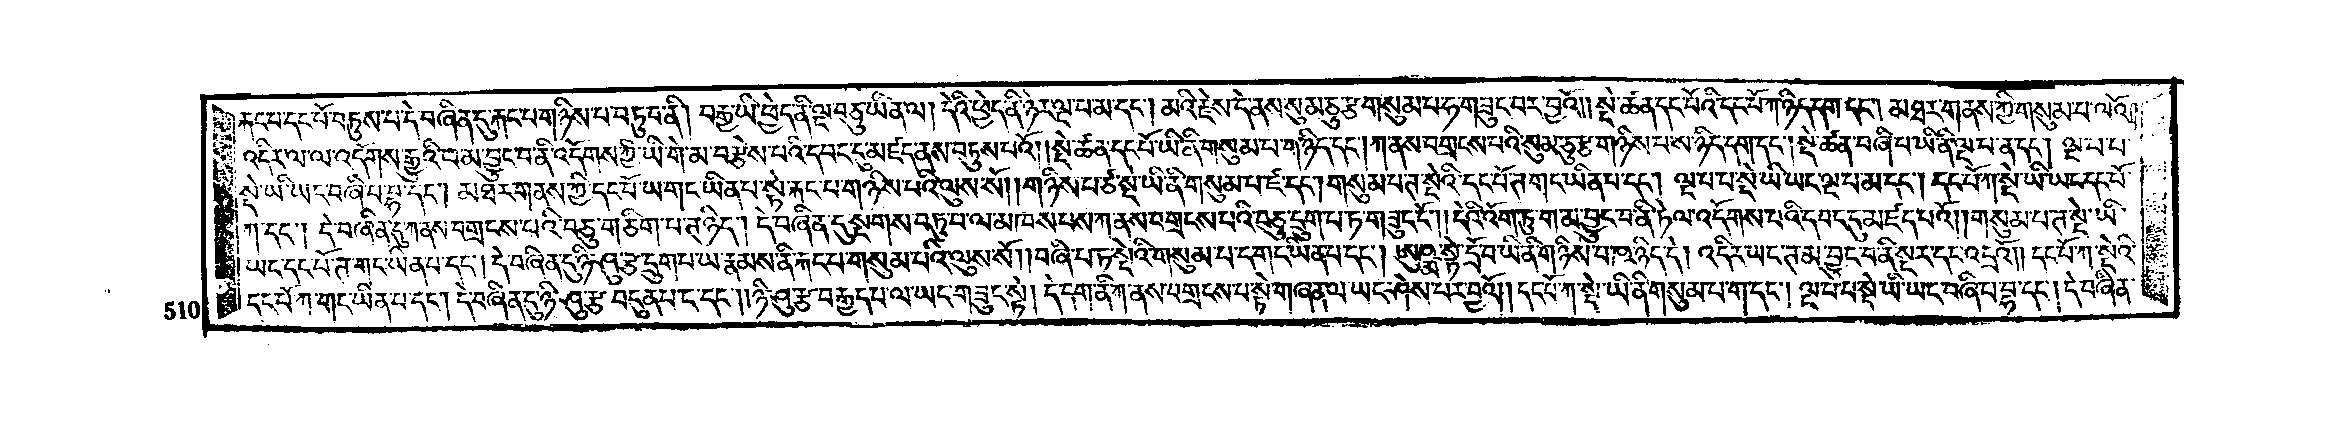རྐང་པ་དང་པོ་བཏུས་པ་དེ་བཞིན་དུ་རྐང་པ་གཉིས་པ་བཏུ་བ་ནི། བརྒྱ་ཡི་ཕྱེད་ནི་ལྔ་བཅུ་ཡིན་ལ། དེའི་ཕྱེད་ནི་ཉེར་ལྔ་པ་མ་དང་། མའི་རྗེས་དེ་ནས་སུམ་ཅུ་རྩ་གསུམ་པ་ཧ་གཟུང་བར་བྱའོ། །སྡེ་ཚན་དང་པོའི་དང་པོ་ཀ་ཉིད་དག་དང་། མཐར་གནས་ཀྱི་གསུམ་པ་ལའོ། །
འདིར་ལ་ལ་འདོགས་རྒྱུའི་བ་མ་བྱུང་བ་ནི་འདོགས་ཀྱི་ཡི་གེ་མ་བརྩིས་པའི་དབང་དུ་མཛད་ནས་བཏུས་པའོ། །སྡེ་ཚན་དང་པོ་ཡི་ནི་གསུམ་པ་གཉིད་དང་། ཀ་ནས་བགྲངས་པའི་སུམ་ཅུ་རྩ་གཉིས་པ་ས་ཉིད་དག་དང་། སྡེ་ཚན་བཞི་པ་ཡི་ནི་ལྔ་པ་ན་དང་། ལྔ་པ་པ་
སྡེ་ཡི་ཡང་བཞི་པ་བྷ་དང་། མཐར་གནས་ཀྱི་དང་པོ་ཡ་གང་ཡིན་པ་སྟེ་རྐང་པ་གཉིས་པའི་ལུས་སོ། །གཉིས་པ་ཙ་སྡེ་ཡི་ནི་གསུམ་པ་ཛ་དང་། གསུམ་པ་ཊ་སྡེའི་དང་པོ་ཊ་གང་ཡིན་པ་དང་། ལྔ་པ་པ་སྡེ་ཡི་ཡང་ལྔ་པ་མ་དང་། དང་པོ་ཀ་སྡེ་ཡི་ཡང་དང་པོ་
ཀ་དང་། དེ་བཞིན་དུ་ཀ་ནས་བགྲངས་པའི་བཅུ་གཅིག་པ་ཊ་ཉིད། དེ་བཞིན་དུ་སྔགས་བཏུ་བ་ལ་མཁས་པས་ཀ་ནས་བགྲངས་པའི་བཅུ་དྲུག་པ་ཏ་གཟུང་ངོ། །དེའི་འོག་ཏུ་ག་མ་བྱུང་བ་ནི་ཏེ་ལ་འདོགས་པའི་དབང་དུ་མཛད་པའོ། །གསུམ་པ་ཊ་སྡེ་ཡི་
ཡང་དང་པོ་ཊ་གང་ཡིན་པ་དང་། དེ་བཞིན་དུ་ཉི་ཤུ་རྩ་དྲུག་པ་ཡ་རྣམས་ནི་རྐང་པ་གསུམ་པའི་ལུས་སོ། །བཞི་པ་ཏ་སྡེའི་གསུམ་པ་ད་གང་ཡིན་པ་དང་། ཨུཥྨ་སྟེ་དྲོ་བ་ཡི་ནི་གཉིས་པ་ཥ་ཉིད་དེ། འདིར་ཡང་ཊ་མ་བྱུང་བ་ནི་སྔར་དང་འདྲའོ། །དང་པོ་ཀ་སྡེའི་
དང་པོ་ཀ་གང་ཡིན་པ་དང་། དེ་བཞིན་དུ་ཉི་ཤུ་རྩ་བདུན་པ་ང་དང་། །ཉི་ཤུ་རྩ་བརྒྱད་པ་ལ་ཡང་གཟུང་སྟེ། དེ་དག་ནི་ཀ་ནས་བགྲངས་པ་སྟེ་གཞན་ལ་ཡང་ཤེས་པར་བྱའོ། །དང་པོ་ཀ་སྡེ་ཡི་ནི་གསུམ་པ་ག་དང་། ལྔ་པ་པ་སྡེ་ཡི་ཡང་བཞི་པ་བྷ་དང་། དེ་བཞིན་